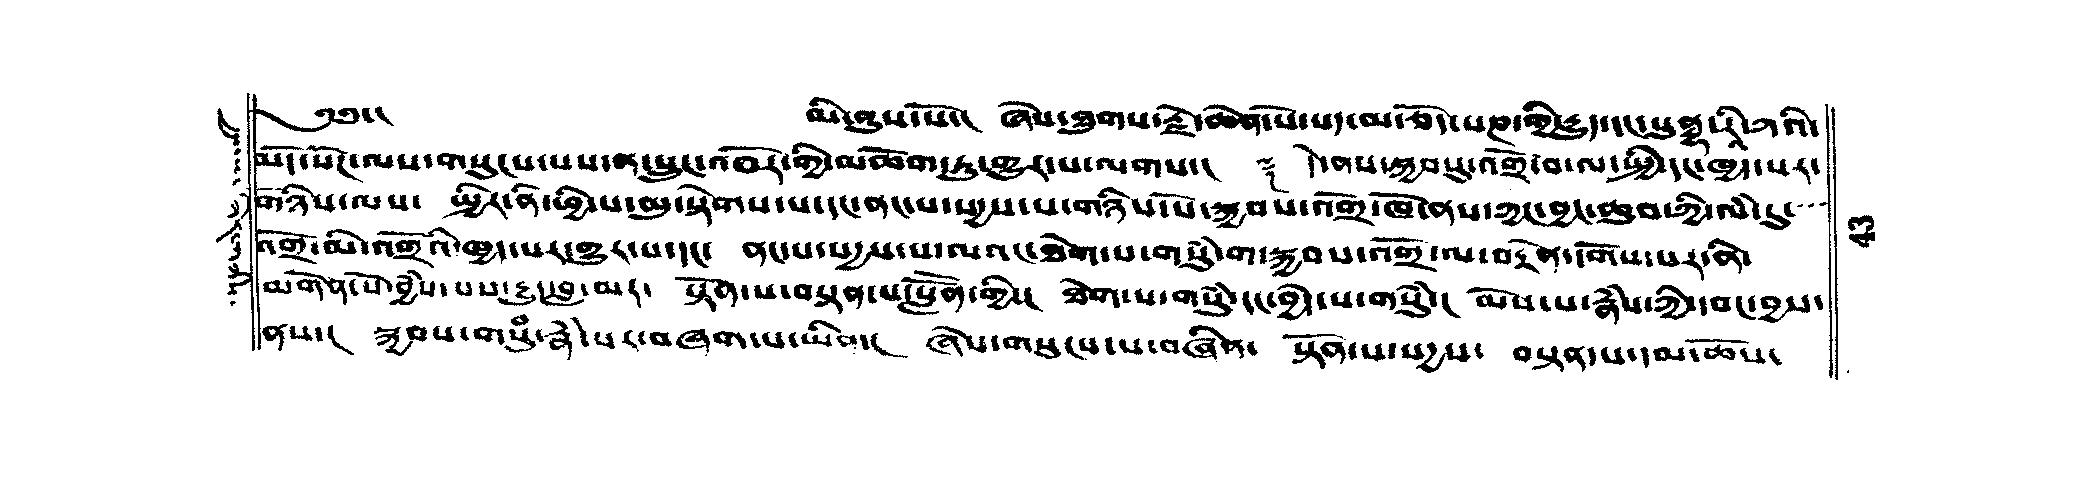མི་ནུས་སོ། ཞེས་ཐུགས་རྗེ་ཆེན་པོ་པད་མ་ཅོད་པཎ་གྱི་རྒྱུད་དང་པུནྡྷ་རཱི་ཀའི་
མདོ་སོགས་ལས་གསུངས་པས་ན་སྲུང་འཁོར་གྱི་མཆོག་ཏུ་གྱུར་པ་ལགས། ༈ དེ་ནས་སྐྱབས་སུ་འགྲོ་བ་ལ་སྤྱི་དང་ཁྱད་པར་
གཉིས་ལས། སྤྱིར་ནི་ཕྱི་པ་མུ་སྟེགས་པ་དང་ནང་པ་སངས་རྒྱས་པ་གཉིས་པོ་སྐྱབས་འགྲོ་ཁོ་ནས་ཀྱང་བྱང་ཆུབ་ཀྱི་ལམ་དུ་
འགྲོ་མི་འགྲོའི་ཁྱད་པར་གྱུར་པ་དང་། ནང་པ་སངས་རྒྱས་པ་ལའང་ཐེག་པ་གསུམ་ག་སྐྱབས་འགྲོ་ལ་བརྟེན་དགོས་པར་ནི་
མགོན་པོ་བྱམས་པས་རྒྱུད་བླ་མར། སྟོན་པ་བསྟན་པ་སློབ་དཔོན་གྱི། ཐེག་པ་གསུམ་དང་བྱེད་པ་གསུམ། མོས་པ་རྣམས་ཀྱི་དབང་བྱས་
ནས། སྐྱབས་གསུམ་རྣམ་པར་བཞག་པ་ཡིན། ཞེས་གསུངས་པ་བཞིན། སྟོན་པ་སངས་རྒྱས། བསྟན་པ་དམ་ཆོས་